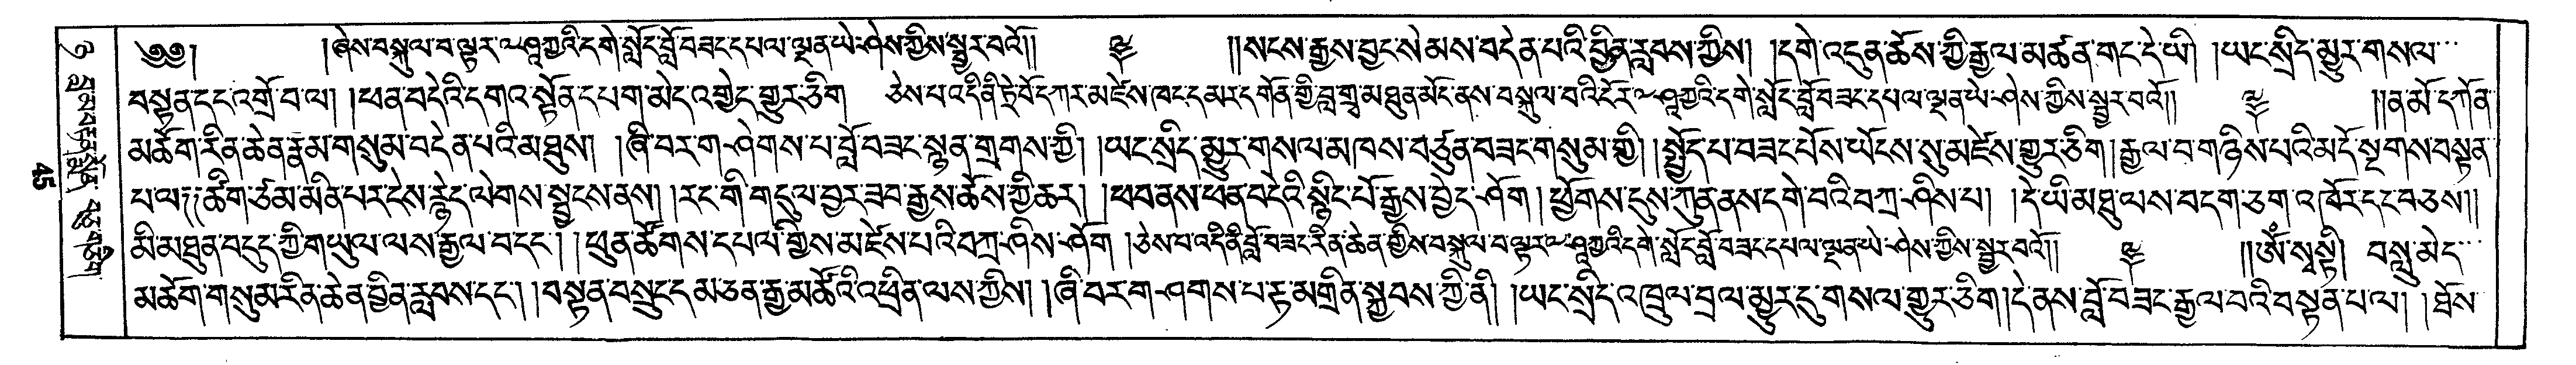༄༅། ། ཞེས་བསྐུལ་བལྟར ༧ཤཱཀྱའི་དགེ་སློང་བློ་བཟང་དཔལ་ལྡན་ཡེ་ཤེས་ཀྱིས་སྦྱར་བའོ།།  ༈ །།སངས་རྒྱས་བྱང་སེམས་བདེན་པའི་བྱིན་རླབས་ཀྱིས། །དགེ་འདུན་ཆོས་ཀྱི་རྒྱལ་མཚན་གང་དེ་ཡི། །ཡང་སྲིད་མྱུར་གསལ་
བསྟན་དང་འགྲོ་བ་ལ། །ཕན་བདེའི་དགའ་སྟོན་དཔག་མེད་འགྱེད་གྱུར་ཅིག། ཅེས་པ་འདི་ནི་ཏྲེ་བོ་དཀར་མཛེས་ཁང་དམར་དགོན་གྱི་བླ་གྲྭ་མཐུན་མོང་ནས་བསྐུལ་བའི་ངོར ༧ཤཱཀྱའི་དགེ་སློང་བློ་བཟང་དཔལ་ལྡན་ཡེ་ཤེས་ཀྱིས་སྦྱར་བའོ།། ༈ །།ན་མོ་དཀོན་
མཆོག་རིན་ཆེན་རྣམ་གསུམ་བདེན་པའི་མཐུས། །ཞི་བར་གཤེགས་པ་བློ་བཟང་སྙན་གྲགས་ཀྱི། །ཡང་སྲིད་མྱུར་གསལ་མཁས་བཙུན་བཟང་གསུམ་གྱི། །སྤྱོད་པ་བཟང་པོས་ཡོངས་སུ་མཛེས་གྱུར་ཅིག། རྒྱལ་བ་གཉིས་བའི་མདོ་སྔགས་བསྟན་
པ་ལ༑ ༑ཚིག་ཙམ་མིན་པར་ངེས་རྙེད་ལེགས་སྦྱངས་ནས། །རང་གི་གདུལ་བྱར་ཟབ་རྒྱས་ཆོས་ཀྱི་ཆར། །ཕབ་ནས་ཕན་བདེའི་སྙིང་པོ་རྒྱས་བྱེད་ཤོག །ཕྱོགས་དུས་ཀུན་ནས་དགེ་བའི་བཀྲ་ཤིས་པ། །དེ་ཡི་མཐུ་ལས་བདག་ཅག་འཁོར་དང་བཅས།།
མི་མཐུན་བདུད་ཀྱི་གཡུལ་ལས་རྒྱལ་བ་དང་། །ཕུན་ཚོགས་དཔལ་གྱིས་མཛེས་པའི་བཀྲ་ཤིས་ཤོག ། ཅེས་པ་འདི་ནི་བློ་བཟང་རིན་ཆེན་གྱིས་བསྐུལ་བ་ལྟར ༧ཤཱཀྱའི་དགེ་སློང་བློ་བཟང་དཔལ་ལྡན་ཡེ་ཤེས་ཀྱིས་སྦྱར་བའོ།།  ༈ །།ཨོཾ་སྭ་སྟི། བསླུ་མེད་
མཆོག་གསུམ་རིན་ཆེན་བྱིན་རླབས་དང་། །བསྟན་བསྲུང་དམ་ཅན་རྒྱ་མཚོའི་འཕྲིན་ལས་ཀྱིས། །ཞི་བར་གཤེགས་པ་རྟ་མགྲིན་སྐྱབས་ཀྱི་ནི། །ཡང་སྲིད་འཁྲུལ་བྲལ་མྱུར་དུ་གསལ་གྱུར་ཅིག། དེ་ནས་བློ་བཟང་རྒྱལ་བའི་བསྟན་པ་ལ། །ཐོས་